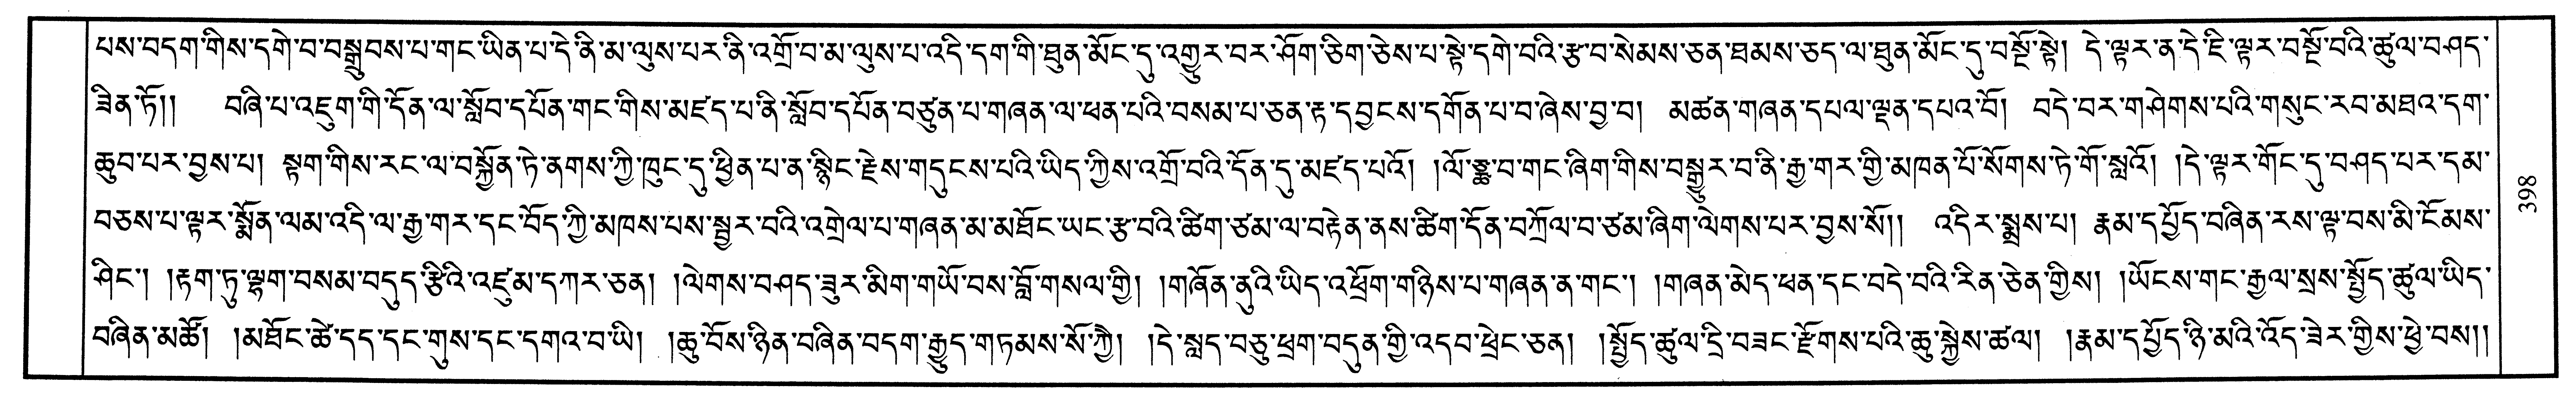པས་བདག་གིས་དགེ་བ་བསྒྲུབས་པ་གང་ཡིན་པ་དེ་ནི་མ་ལུས་པར་ནི་འགྲོ་བ་མ་ལུས་པ་འདི་དག་གི་ཐུན་མོང་དུ་འགྱུར་བར་ཤོག་ཅིག་ཅེས་པ་སྟེ་དགེ་བའི་རྩ་བ་སེམས་ཅན་ཐམས་ཅད་ལ་ཐུན་མོང་དུ་བསྔོ་སྟེ། དེ་ལྟར་ན་དེ་ཇི་ལྟར་བསྔོ་བའི་ཚུལ་བཤད་
ཟིན་ཏོ།། བཞི་པ་འཇུག་གི་དོན་ལ་སློབ་དཔོན་གང་གིས་མཛད་པ་ནི་སློབ་དཔོན་བཙུན་པ་གཞན་ལ་ཕན་པའི་བསམ་པ་ཅན་རྟ་དབྱངས་དགོན་པ་བ་ཞེས་བྱ་བ། མཚན་གཞན་དཔལ་ལྡན་དཔའ་བོ། བདེ་བར་གཤེགས་པའི་གསུང་རབ་མཐའ་དག་
ཆུབ་པར་བྱས་པ། སྟག་གིས་རང་ལ་བསྐྱོན་ཏེ་ནགས་ཀྱི་ཁུང་དུ་ཕྱིན་པ་ན་སྙིང་རྗེས་གདུངས་པའི་ཡིད་ཀྱིས་འགྲོ་བའི་དོན་དུ་མཛད་པའོ། །ལོ་ཙྪ་བ་གང་ཞིག་གིས་བསྒྱུར་བ་ནི་རྒྱ་གར་གྱི་མཁན་པོ་སོགས་ཏེ་གོ་སླའོ། །དེ་ལྟར་གོང་དུ་བཤད་པར་དམ་
བཅས་པ་ལྟར་སྨོན་ལམ་འདི་ལ་རྒྱ་གར་དང་བོད་ཀྱི་མཁས་པས་སྦྱར་བའི་འགྲེལ་པ་གཞན་མ་མཐོང་ཡང་རྩ་བའི་ཚིག་ཙམ་ལ་བརྟེན་ནས་ཚིག་དོན་བཀྲོལ་བ་ཙམ་ཞིག་ལེགས་པར་བྱས་སོ།། འདིར་སྨྲས་པ། རྣམ་དཔྱོད་བཞིན་རས་ལྟ་བས་མི་ངོམས་
ཤིང་། །རྟག་ཏུ་ལྷག་བསམ་བདུད་རྩིའི་འཛུམ་དཀར་ཅན། །ལེགས་བཤད་ཟུར་མིག་གཡོ་བས་བློ་གསལ་གྱི། །གཞོན་ནུའི་ཡིད་འཕྲོག་གཉིས་པ་གཞན་ན་གང་། །གཞན་མེད་ཕན་དང་བདེ་བའི་རིན་ཅེན་གྱིས། །ཡོངས་གང་རྒྱལ་སྲས་སྤྱོད་ཚུལ་ཡིད་
བཞིན་མཚོ། །མཐོང་ཚེ་དད་དང་གུས་དང་དགའ་བ་ཡི། །ཆུ་བོས་ཉིན་བཞིན་བདག་རྒྱུད་གཏམས་སོ་ཀྱཻ། །དེ་སླད་བཅུ་ཕྲག་བདུན་གྱི་འདབ་ཕྲེང་ཅན། །སྤྱོད་ཚུལ་དྲི་བཟང་རྫོགས་པའི་ཆུ་སྐྱེས་ཚལ། །རྣམ་དཔྱོད་ཉི་མའི་འོད་ཟེར་གྱིས་ཕྱེ་བས།།